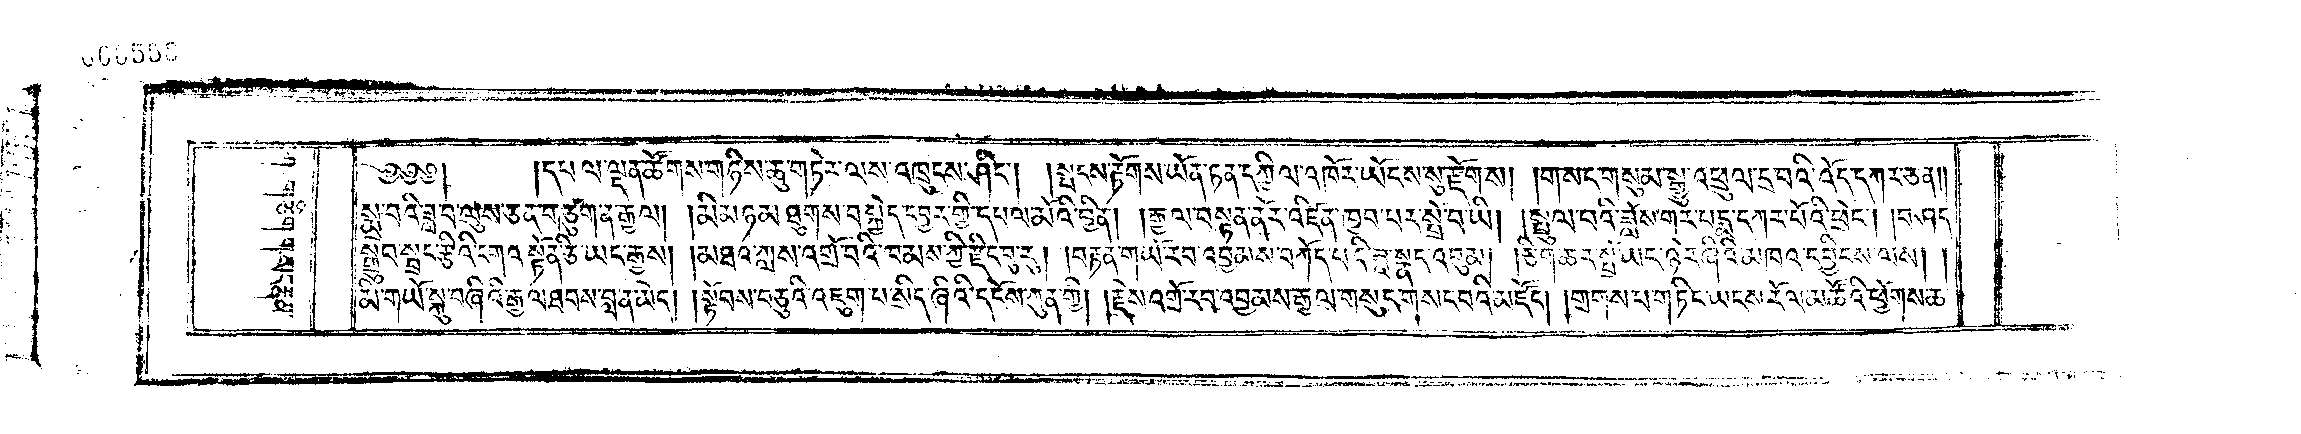༄༅༅། །དཔལ་ལྡན་ཚོགས་གཉིས་ཆུ་གཏེར་ལས་འཁྲུངས་ཤིང་། །སྤངས་རྟོགས་ཡོན་ཏན་དཀྱིལ་འཁོར་ཡོངས་སུ་རྫོགས། །གསང་གསུམ་སྒྱུ་འཕྲུལ་དྲ་བའི་འོད་དཀར་ཅན།།
སྨྲ་བའི་ཟླ་བ་ལུས་ཅན་གཙུག་ན་རྒྱལ། །མི་མཉམ་ཐུགས་བསྐྱེད་དབྱར་གྱི་དཔལ་མོའི་བྱིན། །རྒྱལ་བསྟན་ནོར་འཛིན་ཁྱབ་པར་སྤྲོ་བ་ཡི། །སྤྲུལ་པའི་ཟློས་གར་པདམ་དཀར་པོའི་ཕྲེང་། །བཤད་
སྒྲུབ་སྦྲང་རྩིའི་དགའ་སྟོན་ཅི་ཡང་རྒྱས། །མཐའ་ཀླས་འགྲོ་བའི་ཁམས་ཀྱི་རྫིང་བུ་རུ། །བརྟན་གཡོ་རབ་འབྱམས་བཀོད་པའི་ཟླ་སྣང་འབུམ། །ཅིག་ཆར་སྤྲོ་ཡང་ཉེར་ཞིའི་མཁའ་དབྱིངས་ལས། །
མི་གཡོ་སྐུ་བཞིའི་རྒྱལ་ཐབས་བླ་ན་མེད། །སྟོབས་བཅུའི་འཇུག་པ་སྲིད་ཞིའི་དངོས་ཀུན་གྱི། །རྗེས་འགྲོ་རབ་འབྱམས་རྒྱལ་གསུང་གསང་བའི་མཛོད། །གྲགས་པ་གཏིང་ཡངས་རོལ་མཚོའི་ཕྱོགས་ཆ་